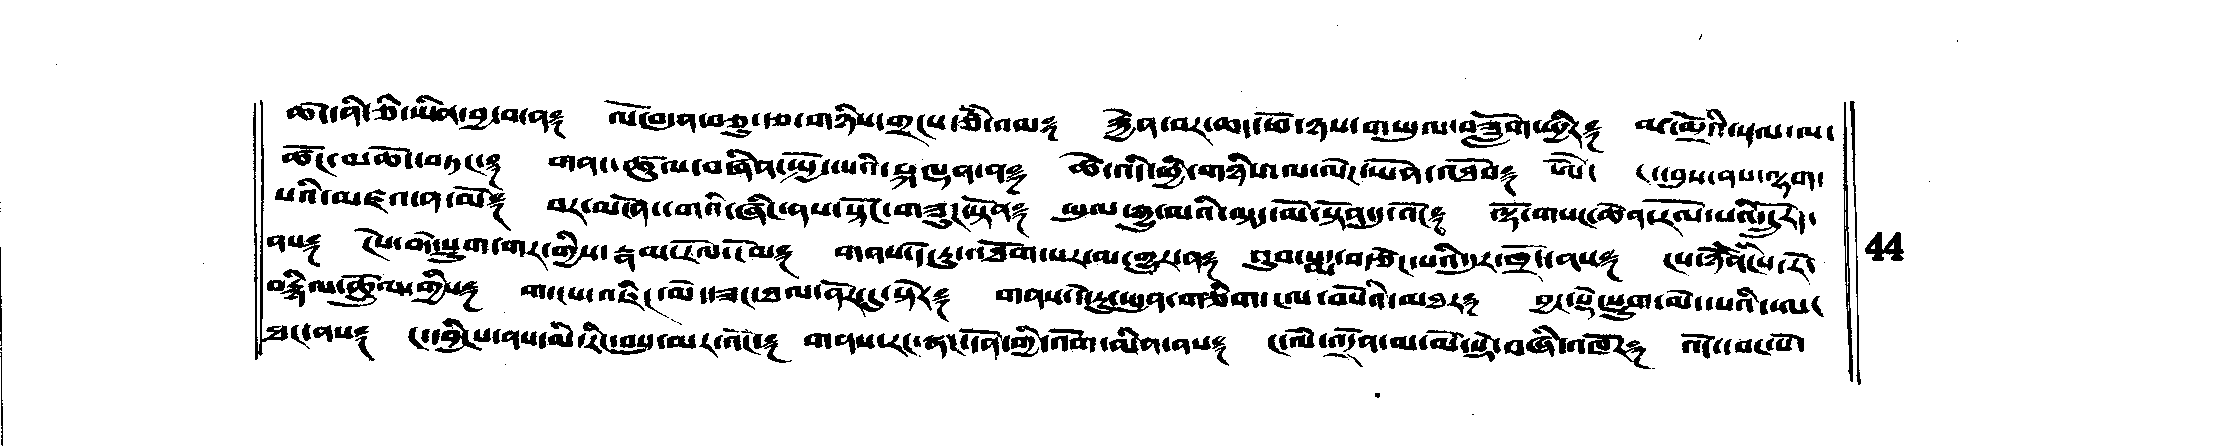ཚད་ནི་ཅི་ཡིན་བྱ་བ་ན། །ལོ་བདུན་བཅུ་རྩ་གཉིས་གྲངས་ཙམ་མམ། །རྐྱེན་བར་ཆད་ཕོ་ཉས་གཡུལ་བཟློག་ཕྱིར། །མ་མཁའ་འགྲོའི་དལ་ལ་
ཚོགས་མཆོད་བཏང་། །གནད་ཚུལ་བཞིན་སྤྱོད་པའི་སྐལ་ལྡན་ན། །ཚེ་འདི་ཕྱི་གཉིས་ལ་ལེགས་ཡོན་འཐོབ།ཨཻ། ང་དབུས་ནས་ལྷགས་
པའི་མཛའ་ན་མོ། །བར་མངོན་གའི་ཞིང་ནས་སྟོང་གཟུགས་སྟོན། །ཡུལ་སྒྱུ་མའི་ལྟད་མོ་སྟོན་དུ་འོང་། །ལྷོ་གསང་ཆེན་རོལ་པའི་དུར་ཁྲོད་
ནས། །ངེས་༼ངས་?༽བདེ་སྡུག་གར་གྱིས་རྣམ་རོལ་ངོམ། །གནས་དེ་རུ་འཐོག་པར་མ་གྱུར་ན། །ནུབ་པདྨ་བཙེགས་པའི་དུར་ཁྲོད་ནས་། །ངས་ཉོན་མོངས་རོ་
བསྙིལ་ཆོ་འཕྲུལ་གྱིས། །གདངས་འཇིགས་མེད་ཟང་ཐལ་ནོར་དུ་སྟེར། །གནས་དེ་རུ་ཡུན་གཅིག་ངལ་གསོའི་མཐར། །བྱང་སྡེ་སྡུག་མེད་པའི་ཨ་
ཐང་ནས། །ང་དབྱིངས་ནས་མི་རིང་བསུ་མར་འོང་། །གནས་རང་སྣང་དོན་གྱི་འོག་མིན་ནས། །ང་ལམ་འདྲེན་མ་མོ་སྡེ་བཞི་འཁོར། །འོད་དབང་པོ་